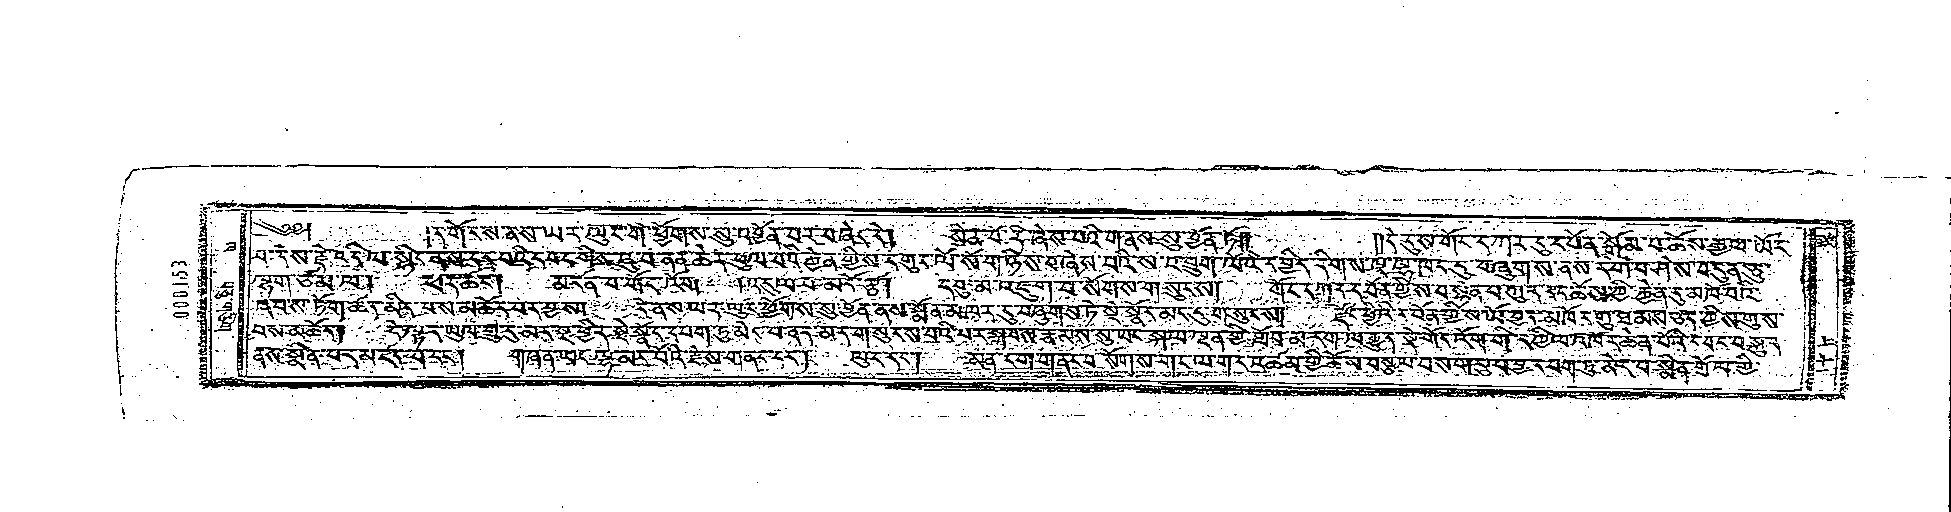༄༅། །དགོངས་ནས་ཡར་ལུང་གི་ཕྱོགས་སུ་འབྱོན་བར་བཞེད་དེ། སྲིན་པོ་རི་ཞེས་པའི་གནས་སུ་བྱོན་ཏོ།། །།དེ་དུས་གོང་དཀར་དུ་དཔོན་སྒོམ་པ་ཆོས་རྒྱལ་ཡོད་
པ་དེས་རྗེ་འདི་ལ་སྙིང་ནས་དད་བའི་དབང་གིས་ཞུ་བ་ནན་ཆེར་ཕུལ་བའི་རྐྱེན་གྱིས་དགུང་ལོ་སོ་གཉིས་བཞེས་པའི་ས་འབྲུག་ལོའི་དབྱིད་རིགས་ལྔ་ལྷ་ཁང་དུ་བཞུགས་ནས་དགེ་བཤེས་བདུན་ཅུ་
ལྷག་ཙམ་ལ། ཕར་ཚང་། མངོན་པ་གོང་འོག །འདུལ་བ་མདོ་རྩ། དབུ་མ་འཇུག་བ་སོགས་གསུངས། གོང་དཀར་དབོན་གྱིས་བསྙེན་བཀུར་དང་ཆོས་ཀྱི་རྐྱེན་དུ་མཁོ་བའི་
ཞབས་ཏོག་ཚད་མེད་པས་མཆོད་པར་བྱས། དེ་ནས་ཡར་ལུང་ཕྱོགས་སུ་བྱོན་ནས་སྨོན་མཁར་དུ་བཞུགས་ཏེ་སྡེ་སྣོད་མང་དུ་གསུངས། རྫོད་ཕྱིའི་དབོན་གྱིས་ཡོ་བྱད་མཁོ་དགུ་ཐམས་ཅད་ཀྱིས་གུས་
པས་མཆོད། དེ་ལྟར་ཡུལ་གྲུ་དུ་མར་སྔ་ཕྱིར་སྡེ་སྣོད་དཔག་ཏུ་མེད་བ་ནར་མར་གསུངས་བའི་པར་སྐབས་རྣམས་སུ་ཡང་སྐལ་ལྡན་གྱི་སློབ་མ་དག་ལ་རྒྱུད་སྡེ་གོང་འོག་གི་དཀྱིལ་འཁོར་ཆེན་པོའི་དབང་བསྐུར་
ནས་སྨིན་པར་མཛད་པ་དང་། གཞན་ཡང་ལྷ་མང་པོའི་རྗེས་གནང་དང་། ལུང་དང་། མན་ངག་གནང་བ་སོགས་གང་ལ་གང་འཚམ་གྱི་ཆོས་བསྩལ་བས་གདུལ་བྱ་དཔག་ཏུ་མེད་པ་སྨིན་གྲོལ་གྱི་